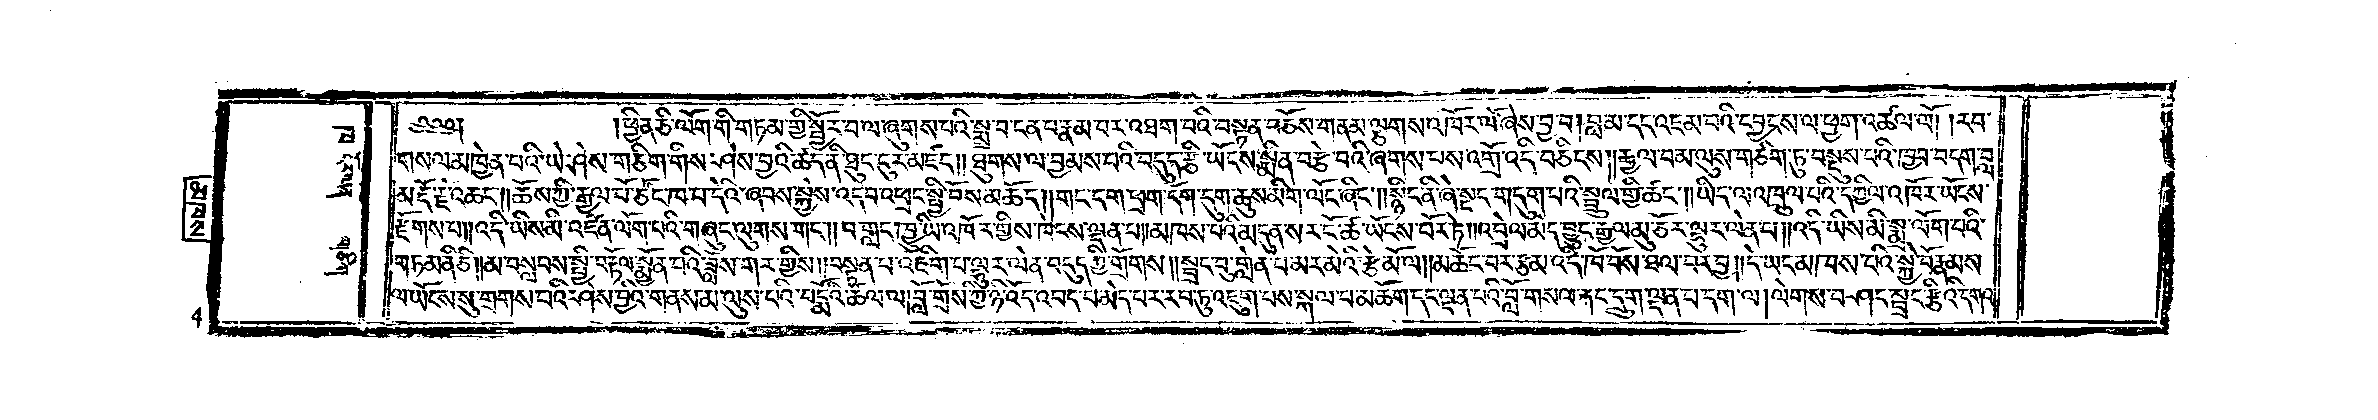༄༅༅། །ཕྱིན་ཅི་ལོག་གི་གཏམ་གྱི་སྦྱོར་བ་ལ་ཞུགས་པའི་སྨྲ་བ་ངན་པ་རྣམ་པར་འཐག་པའི་བསྟན་བཅོས་གནམ་ལྕགས་འཁོར་ལོ་ཞེས་བྱ་བ། བླ་མ་དང་འཇམ་པའི་དབྱངས་ལ་ཕྱག་འཚལ་ལོ། །རབ་
གསལ་མཁྱེན་པའི་ཡེ་ཤེས་གཅིག་གིས་ཤེས་བྱའི་ཚད་ནི་ཐུང་ངུར་མཛད། །ཐུགས་ལ་བྱམས་པའི་བདུད་རྩི་ཡོངས་སྨིན་བརྩེ་བའི་ཞགས་པས་འགྲོ་འདི་བཅིངས། །རྒྱལ་བ་མ་ལུས་གཅིག་ཏུ་བསྡུས་པའི་ཁྱབ་བདག་བླ་
མ་རྡོ་རྗེ་འཆང་། །ཆོས་ཀྱི་རྒྱལ་པོ་ཙོང་ཁ་པ་དེའི་ཞབས་སྐྱེས་འདབ་འཕྲང་སྤྱི་བོས་མཆོད། །གང་དག་ཕྲག་དོག་དུག་ཆུས་མིག་ལོང་ཞིང་། །སྙིང་ནི་ཞེ་སྡང་གདུག་པའི་སྦྲུལ་གྱི་ཚང་། །ཡིད་ལ་འཁྲུལ་པའི་དཀྱིལ་འཁོར་ཡོངས་
རྫོགས་པ། །འདི་ཡིས་མི་འཛིན་ལོག་པའི་གཞུང་ལུགས་གང་། །བ་གླང་ཁྱུ་ཡི་འཁོར་གྱིས་ཁེངས་ལྡན་པ། །མཁས་པའི་མདུན་སར་ངོ་ཚ་ཡོངས་བོར་ཏེ། །འབྲེལ་མེད་བྱུང་རྒྱལ་མུ་ཅོར་ལྷུར་ལེན་པ། །འདི་ཡིས་མི་སྨྲ་ལོག་པའི་
གཏམ་ནི་ཅི། །མ་བསླབས་སྤྱི་བརྟོལ་སྨྱོན་པའི་ཟློས་གར་གྱིས། །བསྟན་པ་འཇིག་པ་ལྷུར་ལེན་བདུད་ཀྱི་གྲོགས། །སྦྲང་བུ་གླེན་པ་མར་མེའི་རྩེ་མོ་ལ། །མཆོང་པར་རྩམ་འདི་ཁོ་བོས་ཐལ་བར་བྱ། །དེ་ཡང་མཁས་པའི་སྐྱེ་བོ་རྣམས་
ལ་ཡོངས་སུ་གྲགས་པའི་ཤེས་བྱའི་གནས་མ་ལུས་པའི་པདྨོའི་ཚལ་ལ། བློ་གྲོས་ཀྱི་ཉི་འོད་འབད་པ་མེད་པར་རབ་ཏུ་འཇུག་པས་སྐལ་པ་མཆོག་དང་ལྡན་པའི་བློ་གསལ་རྐང་དྲུག་ལྡན་པ་དག་ལ། ལེགས་བཤད་སྦྲང་རྩིའི་དགའ་